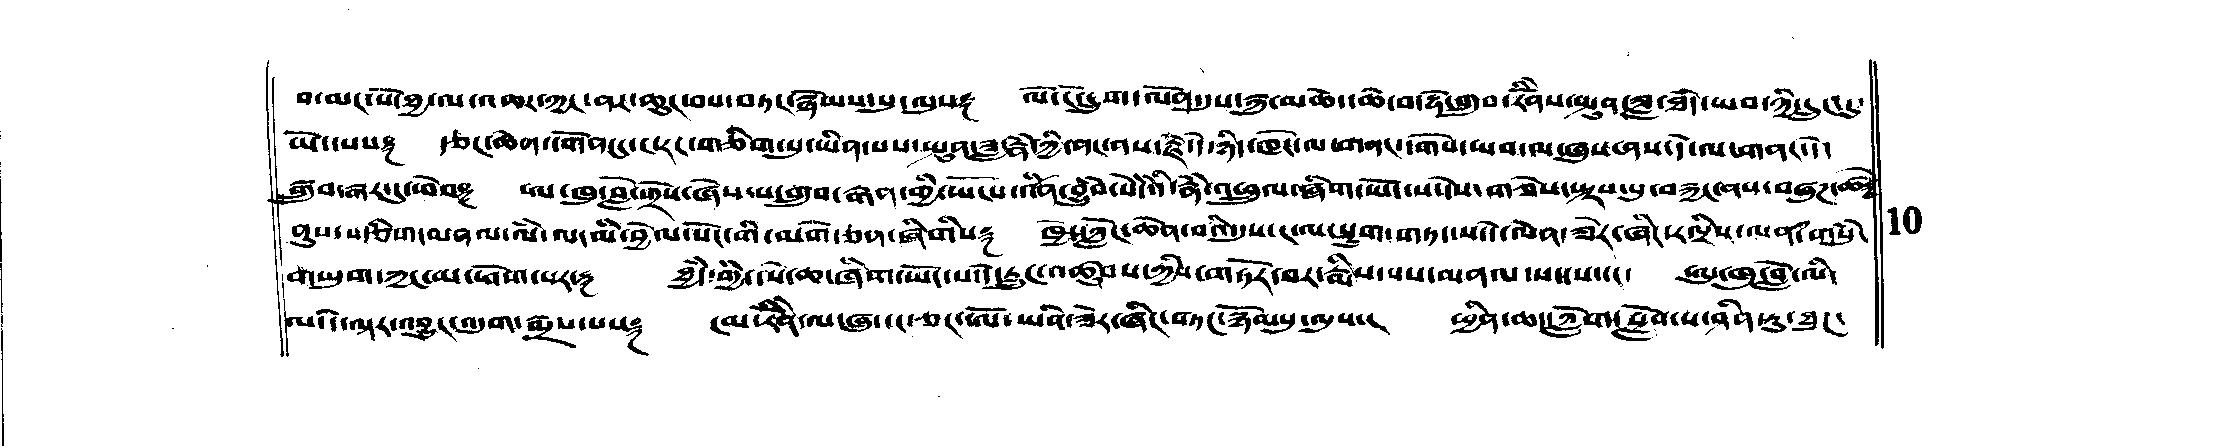བ་མང་པོ་ཐུགས་ལ་འཆར་ཀྱང་ནར་ཆུང་བས་བཏང་སྙོམས་སུ་ལུས། ལོ་ངོ་དྲུག་ལོན་དུས་སྐུ་མཆེད་ཆེ་བ་རྡོ་གྲུབ་རིན་པོ་ཆེས་སྤུན་ཟླ་ཐམས་ཅད་ཡབ་ཀྱི་དྲུང་དུ་
ཡོང་པས།རྩང་ཆེན་དགོན་དུ་ང་རང་གཅིག་པུ་ཡིན་པས་སྤུན་ཟླ་རྣམས་ཀྱི་ནང་ནས་རྗེ་དེ་ཉིད་ཁོང་ལ་གནང་དགོས་ཡབ་ལ་ཞུས་ནས་དེ་ལ་གནང་དེ་
སྒྲུབ་སྒར་དུ་ཕེབ། ཨ་ཁུ་བློ་གྲོས་ཞེས་པ་གྲུབ་རྒན་གྱི་ཡོངས་འཛིན་བྱང་ཆུབ་སེམས་དཔའི་རྣམ་འཕྲུལ་ཞིག་ཡོད་པ་དེས་གཅེས་སྤྲས་སུ་བསྐྱང་ནས་བཞུགས་ཚེ། 
ནུབ་གཅིག་མནལ་ལམ་ལ་མི་བྱོལ་སོང་གི་མགོ་ཅན་ཞིག་གིས། ཁྱོད་ཀློང་ཆེན་པའི་དུས་ང་ལ་སྡུག་གཏད་པ་དེ་ལེན་ཟེར་ཞིང་རལ་གྲིས་ལན་གསུམ་
གཡུག་ཀྱང་མ་ཕོག་པར། ཐུགས་དམ་གྱི་དཔེ་ཆ་ཞིག་ཡོད་པ་དེ་རླུང་འཚུབས་ཀྱིས་གཏོར་བར་རྨིས་པས་མནལ་སད་པ་དང་། ཨ་ཁུ་བློ་ལི་
ལ་དེ་ལྟར་འབྱུང་འདུག་སྨྲས་པས། ངམ་རིན་པོ་ཆེ་ལ་ཞུ་དང་ཅང་ཨོ་ཡིན་ཟེར་ཞིང་བཏང་སྙོམས་སུ་ལུས། ཕྱིན་ཆད་ཀློག་སློབ་པ་ཤིན་ཏུ་ཐུགས་